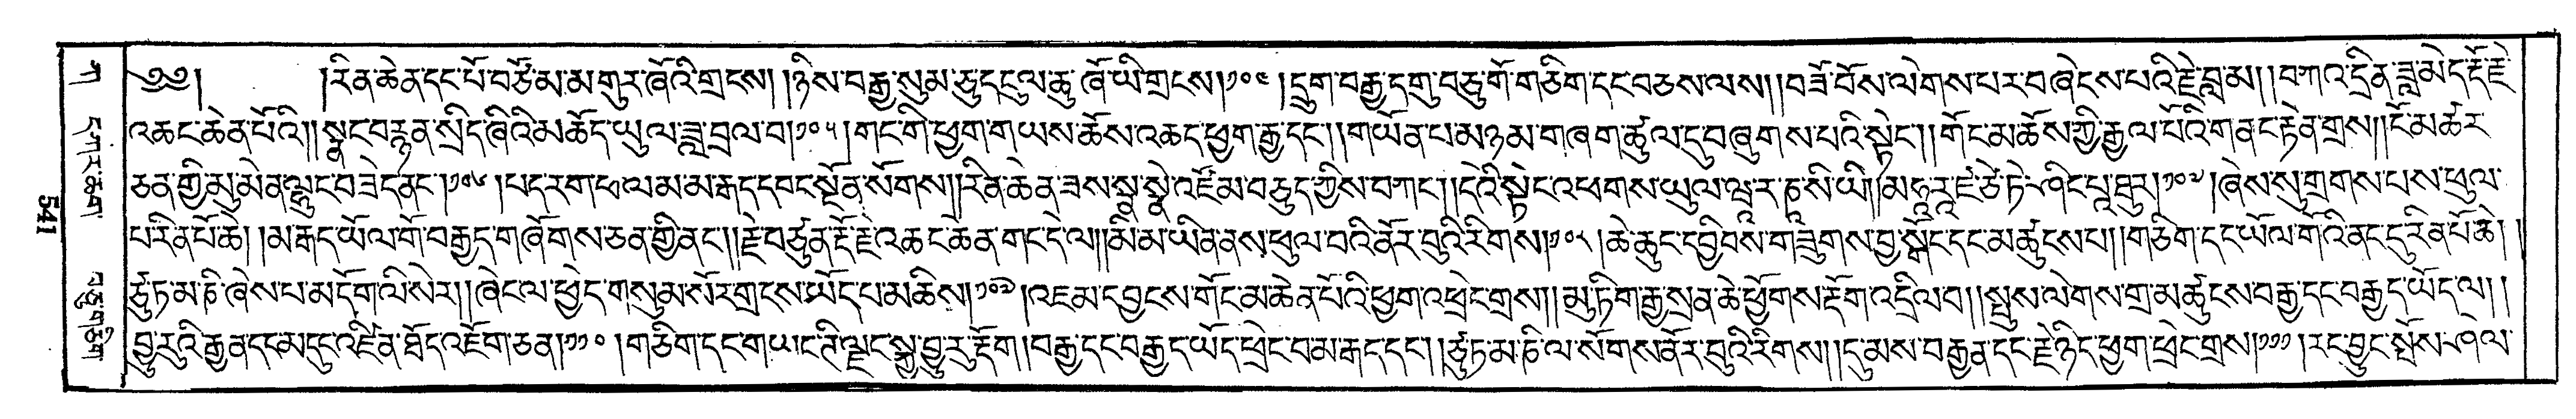༄༅། །རིན་ཆེན་དང་པོ་བཙོ་མ་མགུར་ཞོའི་གྲངས། །ཉིས་བརྒྱ་སུམ་ཅུ་དངུལ་ཆུ་ཞོ་ཡི་གྲངས། ༡༠༤་།དྲུག་བརྒྱ་དགུ་བཅུ་གོ་གཅིག་དང་བཅས་ལས། །བཟོ་བོས་ལེགས་པར་བཞེངས་པའི་རྗེ་བླ་མ། །བཀའ་དྲིན་ཟླ་མེད་རྡོ་རྗེ་
འཆང་ཆེན་པོའི། །སྣང་བརྙན་སྲིད་ཞིའི་མཆོད་ཡུལ་ཟླ་བྲལ་བ། ༡༠༥་།གང་གི་ཕྱག་གཡས་ཆོས་འཆད་ཕྱག་རྒྱ་དང་། །གཡོན་པ་མཉམ་གཞག་ཚུལ་དུ་བཞུགས་པའི་སྟེང་། །གོང་མ་ཆོས་ཀྱི་རྒྱལ་པོའི་གནང་རྟེན་གྲས། །ངོ་མཚར་
ཅན་གྱི་མུ་མེན་ལྷུང་བཟེད་ནང་། ༡༠༦་།བད་རག་ཕ་ལམ་མ་རྒད་དབང་སྔོན་སོགས། །རིན་ཆེན་ཟས་སྣ་སྣེ་འཛོམ་བཅུད་ཀྱིས་བཀང་། །དེའི་སྟེང་འཕགས་ཡུལ་ཝཱ་ར་ཎཱ་སི་ཡི། །མ་ཧཱ་རཱ་ཛ་ཙེ་ཏེ་ཤིང་བཱ་ཐུར། ༡༠༧་།ཞེས་སུ་གྲགས་པས་ཕུལ་
བ་རིན་པོ་ཆེ། །མ་རྒད་ཡོལ་གོ་བརྒྱད་གཞོགས་ཅན་གྱི་ནང་། །རྗེ་བཙུན་རྡོ་རྗེ་འཆང་ཆེན་གང་དེ་ལ། །མི་མ་ཡིན་ནས་ཕུལ་བའི་ནོར་བུའི་རིགས། ༡༠༨་།ཆེ་ཆུང་དབྱིབས་གཟུགས་བྱ་སྒོང་དང་མཚུངས་པ། །གཅིག་དང་ཡོལ་གོའི་ནང་དུ་རིན་པོ་ཆེ།
ཙུ་ཏ་མ་ཎི་ཞེས་པ་མདོག་ལི་སེར། །ཞེང་ལ་ཕྱེད་གསུམ་སོར་གྲངས་ཡོད་པ་མཆིས། ༡༠༧་།འཇམ་དབྱངས་གོང་མ་ཆེན་པོའི་ཕྱག་འཕྲེང་གྲས། །མུ་ཏིག་རྒྱ་སྲན་ཆེ་ཕྱོགས་རྡོག་འདྲིལ་བ། །སྤུས་ལེགས་གྲ་མཚུངས་བརྒྱ་དང་བརྒྱད་ཡོད་ལ།།
བྱུ་རུའི་རྒྱན་དང་མདུད་འཛིན་ཐོད་འཇོག་ཅན། ༡༡༠་།གཅིག་དང་གཡང་ཊི་ལྗང་སྐྱ་བྱུ་རུ་རྡོག །བརྒྱ་དང་བརྒྱད་ཡོད་ཕྲེང་བ་མ་རྒད་དང་། །ཙུ་ཏ་མ་ཎི་ལ་སོགས་ནོར་བུའི་རིགས། །དུ་མས་བརྒྱན་དང་རྗེ་ཉིད་ཕྱག་ཕྲེང་གྲས། ༡༡༡་།རང་བྱུང་སྤོས་ཤེལ་